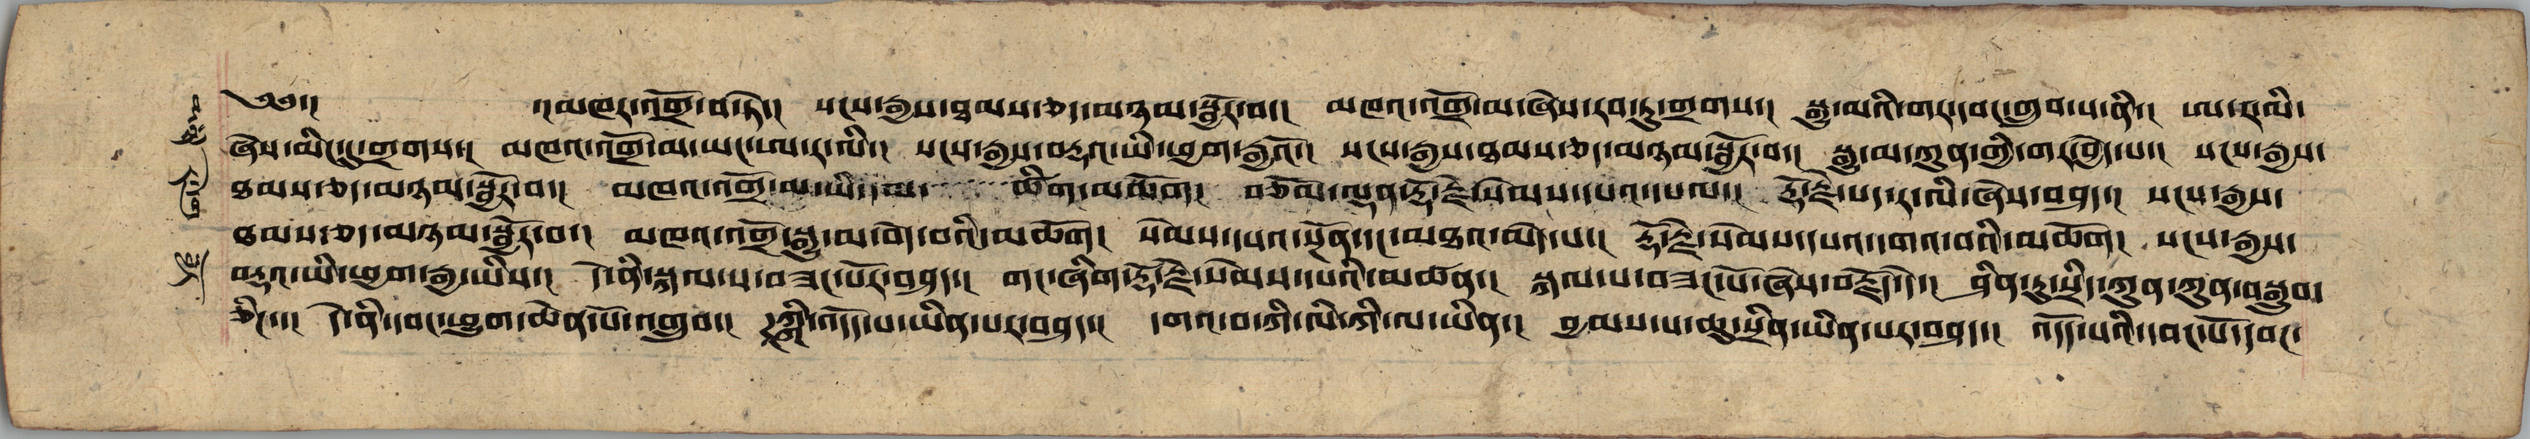༄༅་། ་།མཁར་འགྲོ་བ་ཏེ་། སངས་རྒྱས་ཐམས་ཅད་མཉམ་སྦྱོར་བ་། མཁའ་འགྲོ་མ་ཞེས་རབ་ཏུ་གྲགས་། སྒྱུ་མའིགར་དབང་གྲུབ་པ་ནི་། ཨ་ར་ལི
ཞེས་མིང་དུ་གྲགས་། མཁའ་འགྲོ་མ་ཡང་ཨ་ར་ལི་། སངས་རྒྱས་བརྡའ་ཡི་ཕྱག་རྒྱའོ་། སངས་རྒྱས་ཐམས་ཅད་མཉམ་སྦྱོར་བ་། སྒྱུ་མ་ཀུན་གྱི་གར་བྱེད་པ་། སངས་རྒྱས་
ཐམས་ཅད་མཉམསྦྱོར་བ་། མཁའ་འགྲོ་མ་ཡི་དམ་ ཚིག་མཆོག། བཅོམ་ལྡན་རྡོ་རྗེ་སེམས་དཔའ་དཔལ་། རྡོ་རྗེ་སད་ར་ལི་ཞེས་བཤད་། སངས་རྒྱས་
ཐམས་ཅད་མཉམ་སྦྱོར་བ་། མཁའ་འགྲོ་སྒྱུ་མ་བདེ་བའི་མཆོག། སེམས་དཔའ་སྔོན་དང་མཐའ་མེད་པ་། རྡོ་རྗེ་སེམས་དཔའ་དགའ་བའི་མཆོག། སངས་རྒྱས་
བརྡའ་ཡི་ཕྱག་རྒྱ་ཡིས་། དེ་ནི་སྐལ་པ་བཟང་པོར་བཤད་། གང་ཞིག་རྡོ་རྗེ་སེམས་དཔའི་མཚན་། སྐལ་པ་བཟང་པོ་ཞེས་བརྗོད་དེ་། ཤིན་ཏུ་སྲིད་ཀུན་ཀུན་བསྒྲུབ་
ཅིང་། དེ་ནི་དབང་ཕྱུག་ཆེན་པོ་འགྲུབ་། ཌཱཀྐི་འདོད་པ་ཡིན་པར་བཤད་། དགའ་བ་ཀི་ལི་ཀི་ལ་ཡིན་། བྱམས་པ་ཆུ་སྲིན་ཡིན་པར་བཤད་། འདོད་པའི་དབང་པོདབང་